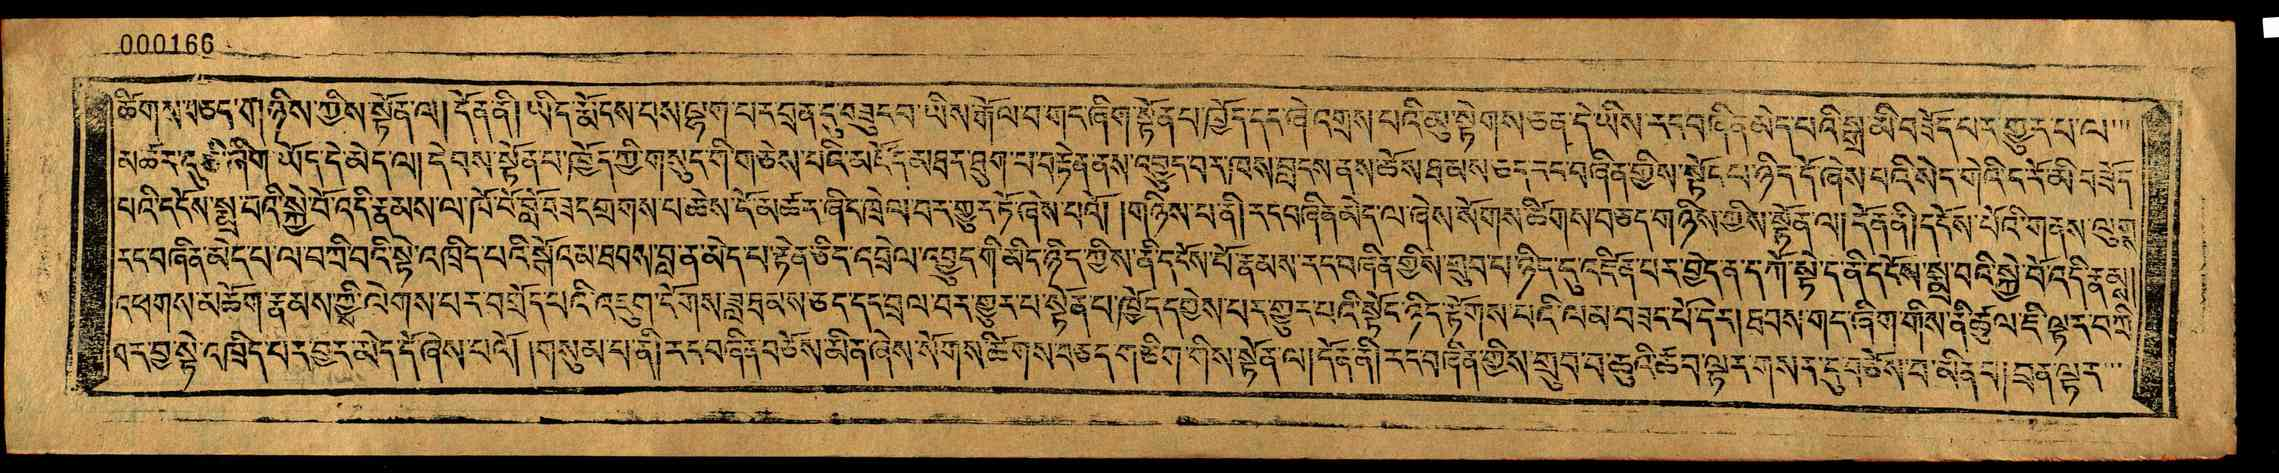ཚིགས་བཅད་གཉིས་ཀྱིས་སྟོན་ལ། དོན་ནི། ཡིད་རྨོངས་པས་ལྷག་པར་བྲན་དུ་བཟུང་བ་ཡིས་རྒོལ་བ་གང་ཞིག་སྟོན་པ་ཁྱོད་དང་ཞེ་འགྲས་པའི་མུ་སྟེགས་ཅན་དེ་ཡིས་རང་བཞིན་མེད་པའི་སྒྲ་མི་བཟོད་པར་གྱུར་པ་ལ་
མཚར་དུ་ཅི་ཞིག་ཡོད་དེ་མེད་ལ། དེ་བས་སྟོན་པ་ཁྱོད་ཀྱི་གསུང་གི་གཅེས་པའི་མཛོད་མཐར་ཐུག་པ་བརྟེན་ནས་འབྱུང་བར་ཁས་བླངས་ནས་ཆོས་ཐམས་ཅད་རང་བཞིན་གྱིས་སྟོང་པ་ཉིད་དོ་ཞེས་པའི་སེང་གེའི་ང་རོ་མི་བཟོད་
པའི་དངོས་སྨྲ་བའི་སྐྱེ་བོ་འདི་རྣམས་ལ་ཁོ་བོ་བློ་བཟང་གྲགས་པ་ཆེས་ངོ་མཚར་ཞིང་ཁྲེལ་བར་གྱུར་ཏོ་ཞེས་པའོ། །གཉིས་པ་ནི། རང་བཞིན་མེད་ལ་ཞེས་སོགས་ཚིགས་བཅད་གཉིས་ཀྱིས་སྟོན་ལ། དོན་ནི། དངོས་པོའི་གནས་ལུགས་
རང་བཞིན་མེད་པ་ལ་བཀྲི་བའི་སྟེ་འཁྲིད་པའི་སྒོའམ་ཐབས་བླ་ན་མེད་པ་རྟེན་ཅིང་འབྲེལ་འབྱུང་གི་མིང་ཉིད་ཀྱིས་ནི་དངོས་པོ་རྣམས་རང་བཞིན་གྱིས་གྲུབ་པ་ཉིད་དུ་འཛིན་པར་བྱེད་ན་ད་ཀོ་སྟེ་ད་ནི་དངོས་སྨྲ་བའི་སྐྱེ་བོ་འདི་རྣམས་
འཕགས་མཆོག་རྣམས་ཀྱིས་ལེགས་པར་བགྲོད་པའི་འཇུག་ངོགས་ཟླ་ཐམས་ཅད་དང་བྲལ་བར་གྱུར་པ་སྟོན་པ་ཁྱོད་དགྱེས་པར་གྱུར་པའི་སྟོང་ཉིད་རྟོགས་པའི་ལམ་བཟང་པོ་དེར། ཐབས་གང་ཞིག་གིས་ནི་ཚུལ་ཇི་ལྟར་བཀྲི་
བར་བྱ་སྟེ་འཁྲིད་པར་བྱར་མེད་དོ་ཞེས་པའོ། །གསུམ་པ་ནི། རང་བཞིན་བཅོས་མིན་ཞེས་སོགས་ཚིགས་བཅད་གཅིག་གིས་སྟོན་ལ། དོན་ནི། རང་བཞིན་གྱིས་གྲུབ་པ་ཆུའི་ཚ་བ་ལྟར་གསར་དུ་བཅོས་པ་མིན་པ། བྲན་ལྟར་